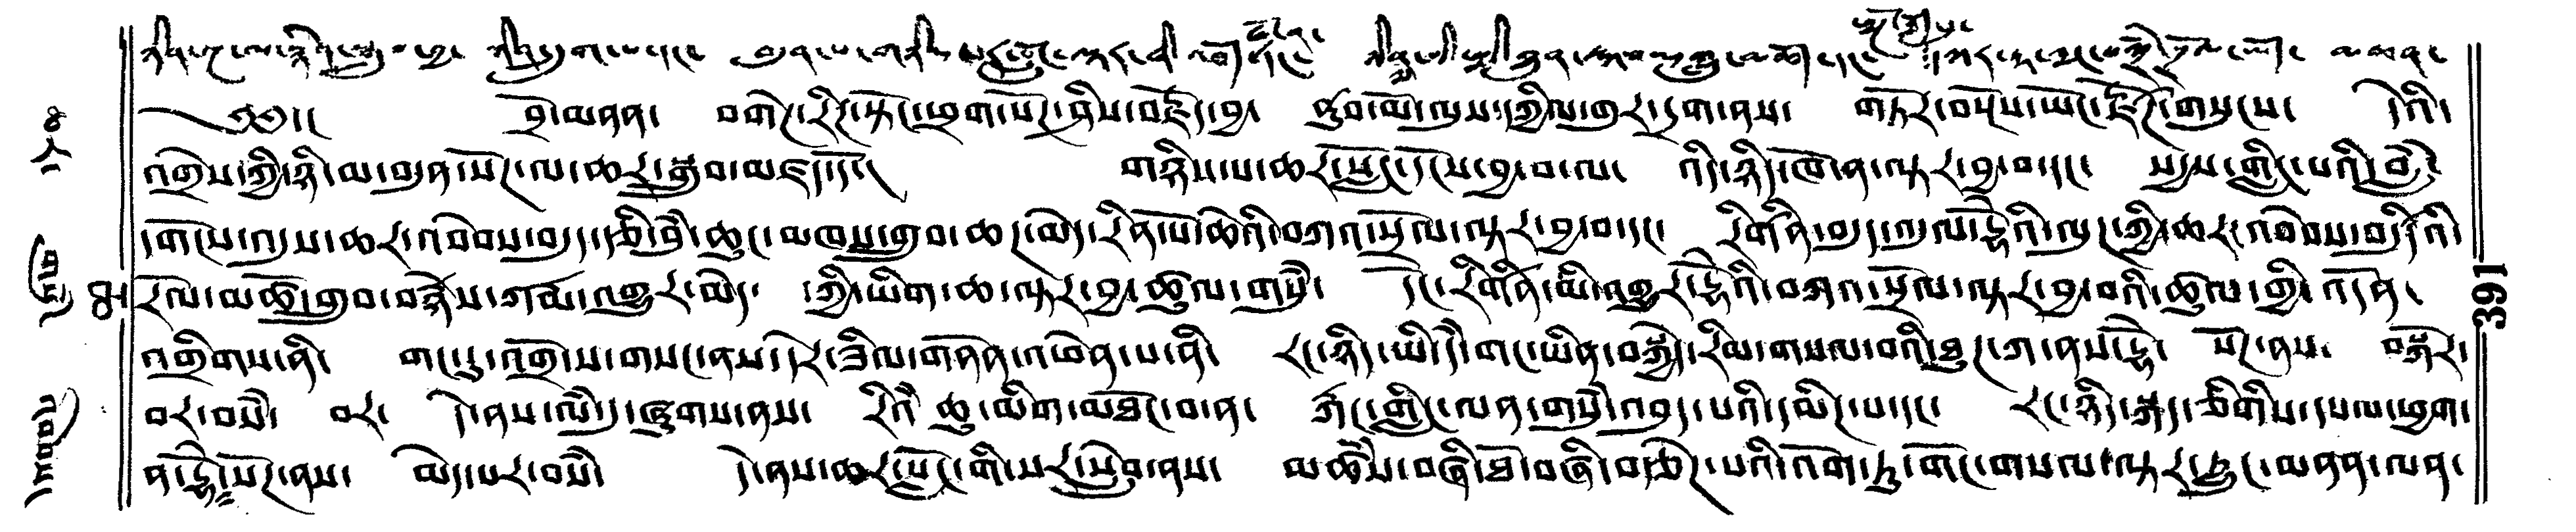བྲོ་མནན། བགེགས་རིགས་སྟོང་ཕྲག༴ སོགས་ཤིས་བརྗོད་བྱ། ནུབ་མོ་ལུས་དཀྱིལ་གུར་དྲག་ནས།གཏོར་བསྔོས་ཡོངས་རྫོགས་གསུངས། དེའི་
འགྲེས་ཀྱི་ཉི་མ་བདུན་སོགས་ལ་ཆར་སྒྲུབ་མཛད་དོ། གཉིས་པ་ཆར་སློང་དངོས་བྱ་བ་ལ། འདི་ཉིད་ཁོ་ན་ལྟར་བྱ་བ་དང་། སངས་རྒྱས་གླིང་པའི་བླ་མ་
དངོས་འདུས་ཆར་འབེབས་བདུད་རྩི་བུམ་ཆུང་མཁས་གྲུབ་ཆགས་མེད་རིན་པོ་ཆེའི་བཀའ་སྲོལ་ལྟར་བྱ་བ་དང་། རིག་འཛིན་བདུད་འདུལ་རྡོ་རྗེའི་ལུགས་ཀྱི་ཆར་འབེབས་བདུད་རྩིའི་
རོལ་མཚོ་གྲུབ་བརྙེས་ཀརྨ་འགྱུར་མེད་ ཀྱི་ཡིག་ཆ་ལྟར་བྱ་ཚུལ་གསུམ། དང་པོ་རིག་འཛིན་མི་འགྱུར་རྡོ་རྗེའི་བཀའ་སྲོལ་ལྟར་བྱ་བའི་ཚུལ་གྱི་འདོན་
འགྲིགས་ནི། གང་དུ་འགྲོ་ས་གསང་ནས་དེར་ཟིལ་གནོན་འཕེན་པ་ནི། རང་ཉིད་ཡི་དམ་གང་ཡིན་བསྐྱེད་རིམ་གསལ་བའི་ཐུགས་ཀ་ནས་རྡོ་རྗེ༴ སོགས་ནས། བསྐོར་
བར་བསམ། བར། དེ་ནས་ལམ་དུ་ཞུགས་ནས། རིའམ་ཆུ་མིག་མཐོང་བ་ན། རྐང་གླིང་ལན་གསུམ་འབུད་པའི་དམིགས་པ་དང་། རང་ཉིད་སྐད་ཅིག་གིས་དཔལ་ཕྱག་
ན་རྡོ་རྗེ༴ སོགས་ནས། མེད་པར་བསམ། དེ་ནས་ཆར་སློང་གི་སར་སླེབ་ནས། མཚམས་བཞིར་ཐོ་བཞི་བརྩེགས་པའི་འོག་ཏུ་གོང་གསལ་ལྟར་རླུང་མནན་ལན་